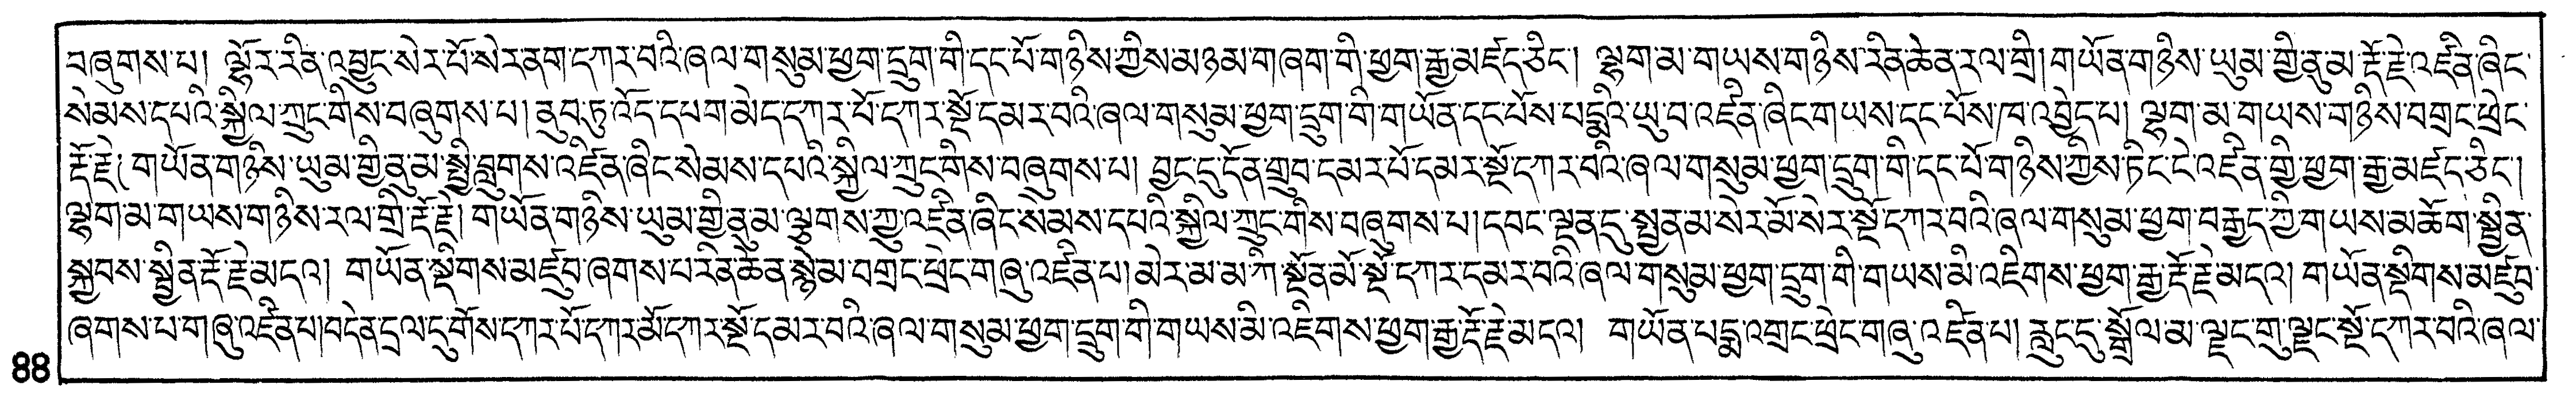བཞུགས་པ། ལྷོར་རིན་འབྱུང་སེར་པོ་སེར་ནག་དཀར་བའི་ཞལ་གསུམ་ཕྱག་དྲུག་གི་དང་པོ་གཉིས་ཀྱིས་མཉམ་གཞག་གི་ཕྱག་རྒྱ་མཛད་ཅིང་། ལྷག་མ་གཡས་གཉིས་རིན་ཆེན་རལ་གྲི། གཡོན་གཉིས་ཡུམ་གྱི་ནུ་མ་རྡོ་རྗེ་འཛིན་ཞིང་
སེམས་དཔའི་སྐྱིལ་ཀྲུང་གིས་བཞུགས་པ། ནུབ་ཏུ་འོད་དཔག་མེད་དཀར་པོ་དཀར་སྔོ་དམར་བའི་ཞལ་གསུམ་ཕྱག་དྲུག་གི་གཡོན་དང་པོས་པདམའི་ཡུ་བ་འཛིན་ཞིང་གཡས་དང་པོས་ཁ་འབྱེད་པ། ལྷག་མ་གཡས་གཉིས་བགྲང་ཕྲེང་
རྡོ་རྗེ༑ གཡོན་གཉིས་ཡུམ་གྱི་ནུ་མ་སྤྱི་བླུགས་འཛིན་ཞིང་སེམས་དཔའི་སྐྱིལ་ཀྲུང་གིས་བཞུགས་པ། བྱང་དུ་དོན་གྲུབ་དམར་པོ་དམར་སྔོ་དཀར་བའི་ཞལ་གསུམ་ཕྱག་དྲུག་གི་དང་པོ་གཉིས་ཀྱིས་ཏིང་ངེ་འཛིན་གྱི་ཕྱག་རྒྱ་མཛད་ཅིང་།
ལྷག་མ་གཡས་གཉིས་རལ་གྲི་རྡོ་རྗེ། གཡོན་གཉིས་ཡུམ་གྱི་ནུ་མ་ལྕགས་ཀྱུ་འཛིན་ཞིང་སེམས་དཔའི་སྐྱིལ་ཀྲུང་གིས་བཞུགས་པ། དབང་ལྡན་དུ་སྤྱན་མ་སེར་མོ་སེར་སྔོ་དཀར་བའི་ཞལ་གསུམ་ཕྱག་བརྒྱད་ཀྱི་གཡས་མཆོག་སྦྱིན་
སྐྱབས་སྦྱིན་རྡོ་རྗེ་མདའ། གཡོན་སྡིགས་མཛུབ་ཞགས་པ་རིན་ཆེན་སྙེ་མ་བགྲང་ཕྲེང་གཞུ་འཛིན་པ། མེར་མ་མ་ཀི་སྔོན་མོ་སྔོ་དཀར་དམར་བའི་ཞལ་གསུམ་ཕྱག་དྲུག་གི་གཡས་མི་འཇིགས་ཕྱག་རྒྱ་རྡོ་རྗེ་མདའ། གཡོན་སྡིགས་མཛུབ་
ཞགས་པ་གཞུ་འཛིན་པ། བདེན་དྲལ་དུ་གོས་དཀར་པོ་དཀར་མོ་དཀར་སྔོ་དམར་བའི་ཞལ་གསུམ་ཕྱག་དྲུག་གི་གཡས་མི་འཇིགས་ཕྱག་རྒྱ་རྡོ་རྗེ་མདའ། གཡོན་པདམ་འགྲང་ཕྲེང་གཞུ་འཛིན་པ། རླུང་དུ་སྒྲོལ་མ་ལྗང་གུ་ལྗང་སྔོ་དཀར་བའི་ཞལ་